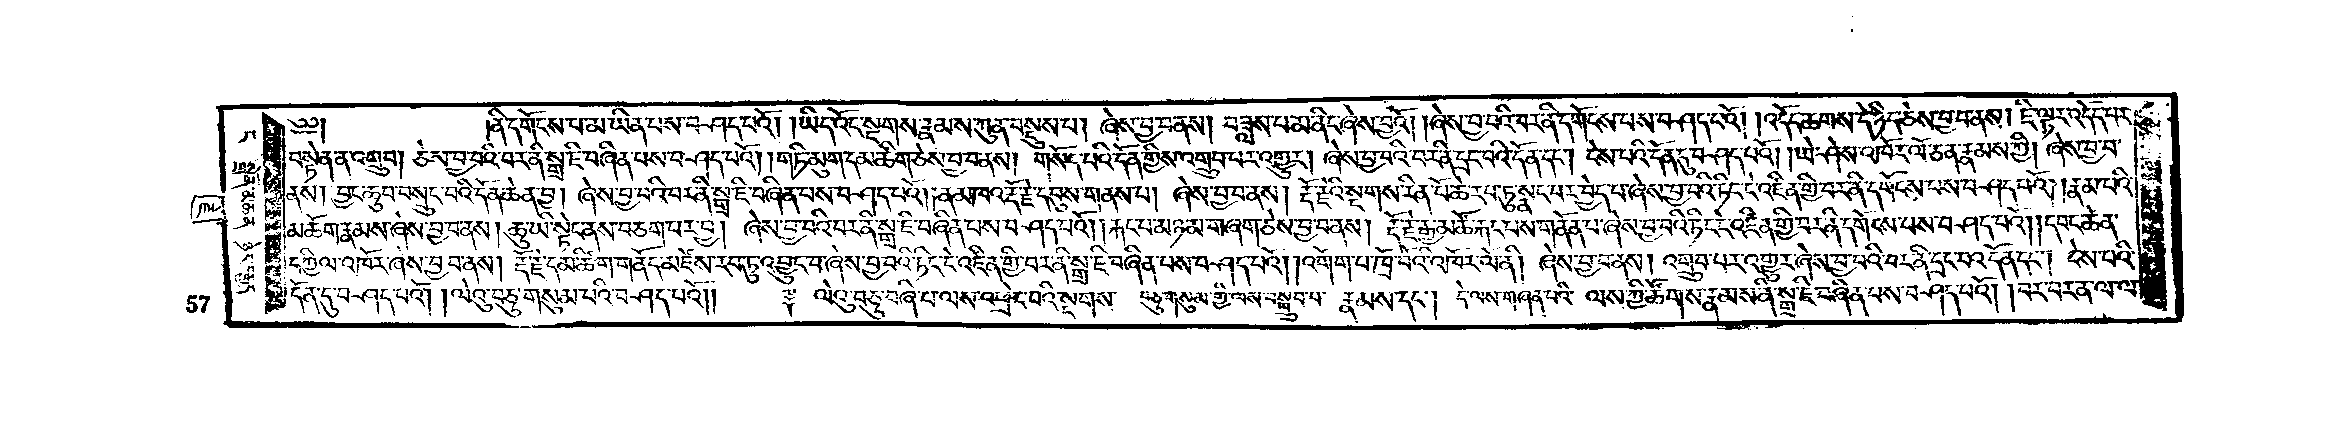༄༅། །ནི་དགོངས་པ་མ་ཡིན་པས་བཤད་པའོ། །ཡིད་འོང་སྔགས་རྣམས་ཀུན་བསྡུས་པ། ཞེས་བྱ་བ་ནས། བཟླས་པ་མ་ནིང་ཞེས་བྱའོ། །ཞེས་བྱ་བའི་བར་ནི་དགོངས་པས་བཤད་པའོ། །འདོད་ཆགས་དེ་ཉིད་ཅེས་བྱ་བ་ནས། ཇི་ལྟར་འདོད་པར་
བསྟེན་ན་འགྲུབ། ཅེས་བྱ་བའི་བར་ནི་སྒྲ་ཇི་བཞིན་པས་བཤད་པའོ། །གཏི་མུག་དམ་ཚིག་ཅེས་བྱ་བ་ནས། གསོད་པའི་དོན་གྱིས་འགྲུབ་པར་འགྱུར། ཞེས་བྱ་བའི་བར་ནི་དྲང་བའི་དོན་དང་། ངེས་པའི་དོན་དུ་བཤད་པའོ། །ཡེ་ཤེས་འཁོར་ལོ་ཅན་རྣམས་ཀྱི། ཞེས་བྱ་བ་
ནས། བྱང་ཆུབ་བསྲུང་བའི་དོན་ཆེན་བྱ། ཞེས་བྱ་བའི་བར་ནི་སྒྲ་ཇི་བཞིན་པས་བཤད་པའོ། །ནམ་མཁའ་རྡོ་རྗེ་དབུས་གནས་པ། ཞེས་བྱ་བ་ནས། རྡོ་རྗེའི་སྔགས་རིན་པོ་ཆེ་རབ་ཏུ་སྣང་བར་བྱེད་པ་ཞེས་བྱ་བའི་ཏིང་ངེ་འཛིན་གྱི་བར་ནི་དགོངས་པས་བཤད་པའོ། །རྣམ་པའི་
མཆོག་རྣམས་ཞེས་བྱ་བ་ནས། ཆུ་ཡི་སྟེང་ནས་བཅག་པར་བྱ། ཞེས་བྱ་བའི་བར་ནི་སྒྲ་ཇི་བཞིན་པས་བཤད་པའོ། །རྐང་པ་མཉམ་གཞག་ཅེས་བྱ་བ་ནས། རྡོ་རྗེ་རྒྱ་མཚོ་རྐང་པས་གནོན་པ་ཞེས་བྱ་བའི་ཏིང་ངེ་འཛིན་གྱི་བར་ནི་དགོངས་པས་བཤད་པའོ། །དབང་ཆེན་
དཀྱིལ་འཁོར་ཞེས་བྱ་བ་ནས། རྡོ་རྗེ་དམ་ཚིག་གནོད་མཛེས་རབ་ཏུ་འབྱུང་བ་ཞེས་བྱ་བའི་ཏིང་ངེ་འཛིན་གྱི་བར་ནི་སྒྲ་ཇི་བཞིན་པས་བཤད་པའོ། །འགོག་པ་ཁྲོ་བོའི་འ་།འཁོར་ལོ་ནི། ཞེས་བྱ་བ་ནས། འགྲུབ་པར་འགྱུར་ཞེས་བྱ་བའི་བར་ནི་དྲང་བའི་དོན་དང་། ངེས་པའི་
དོན་དུ་བཤད་པའོ། །ལེའུ་བཅུ་གསུམ་པའི་བཤད་པའོ།། ༈ ལེའུ་བཅུ་བཞི་པ་ལས་འཕྲེང་བའི་སྔགས་བཅུ་གསུམ་གྱི་ལས་བསྒྲུབ་པ་རྣམས་དང་། དེ་ལས་གཞན་པའི་ལས་ཀྱི་ཚིགས་རྣམས་ནི་སྒྲ་ཇི་བཞིན་པས་བཤད་པའོ། །བར་བར་ན་ལ་ལ་